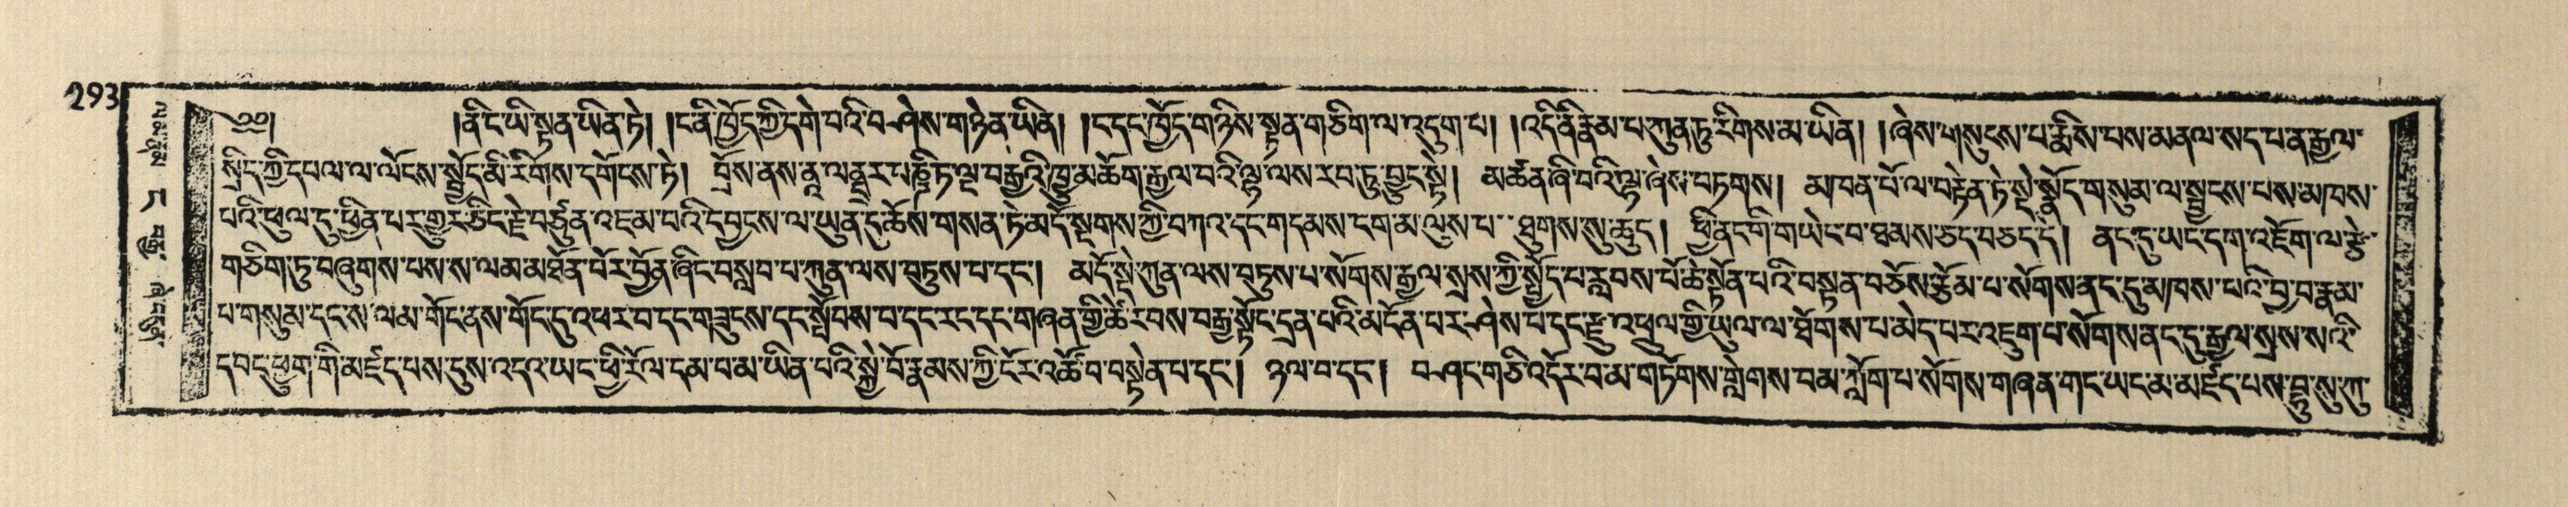༄༅། །ནི་ང་ཡི་སྟན་ཡིན་ཏེ། །ང་ནི་ཁྱོད་ཀྱི་དགེ་བའི་བཤེས་གཉེན་ཡིན། །ང་དང་ཁྱོད་གཉིས་སྟན་གཅིག་ལ་འདུག་པ། །འདི་ནི་རྣམ་པ་ཀུན་ཏུ་རིགས་མ་ཡིན། །ཞེས་གསུངས་པ་རྨིས་པས་མནལ་སད་པ་ན་རྒྱལ་
སྲིད་ཀྱི་དཔལ་ལ་ལོངས་སྤྱོད་མི་རིགས་དགོངས་ཏེ། བྲོས་ནས་ནཱ་ལནྡྲར་པཎྜིཏ་ལྔ་བརྒྱའི་ཁྱུ་མཆོག་རྒྱལ་བའི་ལྷ་ལས་རབ་ཏུ་བྱུང་སྟེ། མཚན་ཞི་བའི་ལྷ་ཞེས་བཏགས། མཁན་པོ་ལ་བརྟེན་ཏེ་སྡེ་སྣོད་གསུམ་ལ་སྦྱངས་པས་མཁས་
པའི་ཕུལ་དུ་ཕྱིན་པར་གྱུར་ཅིང་རྗེ་བཙུན་འཇམ་པའི་དབྱངས་ལ་ཡུན་དུ་ཆོས་གསན་ཏེ་མདོ་སྔགས་ཀྱི་བཀའ་དང་གདམས་ངག་མ་ལུས་པ་ཐུགས་སུ་ཆུད། ཕྱི་ནང་གི་གཡེང་བ་ཐམས་ཅད་བཅད་དེ། ནང་དུ་ཡང་དག་འཇོག་ལ་རྩེ་
གཅིག་ཏུ་བཞུགས་པས་ས་ལམ་མཐོན་པོར་བྱོན་ཞིང་བསླབ་པ་ཀུན་ལས་བཏུས་པ་དང་། མདོ་སྡེ་ཀུན་ལས་བཏུས་པ་སོགས་རྒྱལ་སྲས་ཀྱི་སྤྱོད་བརླབས་པོ་ཆེ་སྟོན་པའི་བསྟན་བཅོས་རྩོམ་པ་སོགས་ནང་དུ་མཁས་པའི་བྱ་བ་རྣམ་
པ་གསུམ་དང་ས་ལམ་གོང་ནས་གོང་དུ་འཕར་བ་དང་གཟུངས་དང་སྤོབས་བ་དང་རང་དང་གཞན་གྱི་ཚེ་རབས་བརྒྱ་སྟོང་དྲན་པའི་མངོན་པར་ཤེས་པ་དང་རྫུ་འཕྲུལ་གྱི་ཡུལ་ལ་ཐོགས་པ་མེད་པར་འཇུག་པ་སོགས་ནང་དུ་རྒྱལ་སྲས་སའི་
དབང་ཕྱུག་གི་མཛད་པས་དུས་འདའ་ཡང་ཕྱི་རོལ་དམ་པ་མ་ཡིན་པའི་སྐྱེ་བོ་རྣམས་ཀྱི་ངོར་འཚོ་བ་བསྟེན་པ་དང་། ཉལ་བ་དང་། བཤད་གཅིག་འདོར་བ་མ་གཏོགས་གླེགས་བམ་ཀློག་པ་སོགས་གཞན་གང་ཡང་མ་མཛད་པས་བྷུ་སུ་ཀུ་